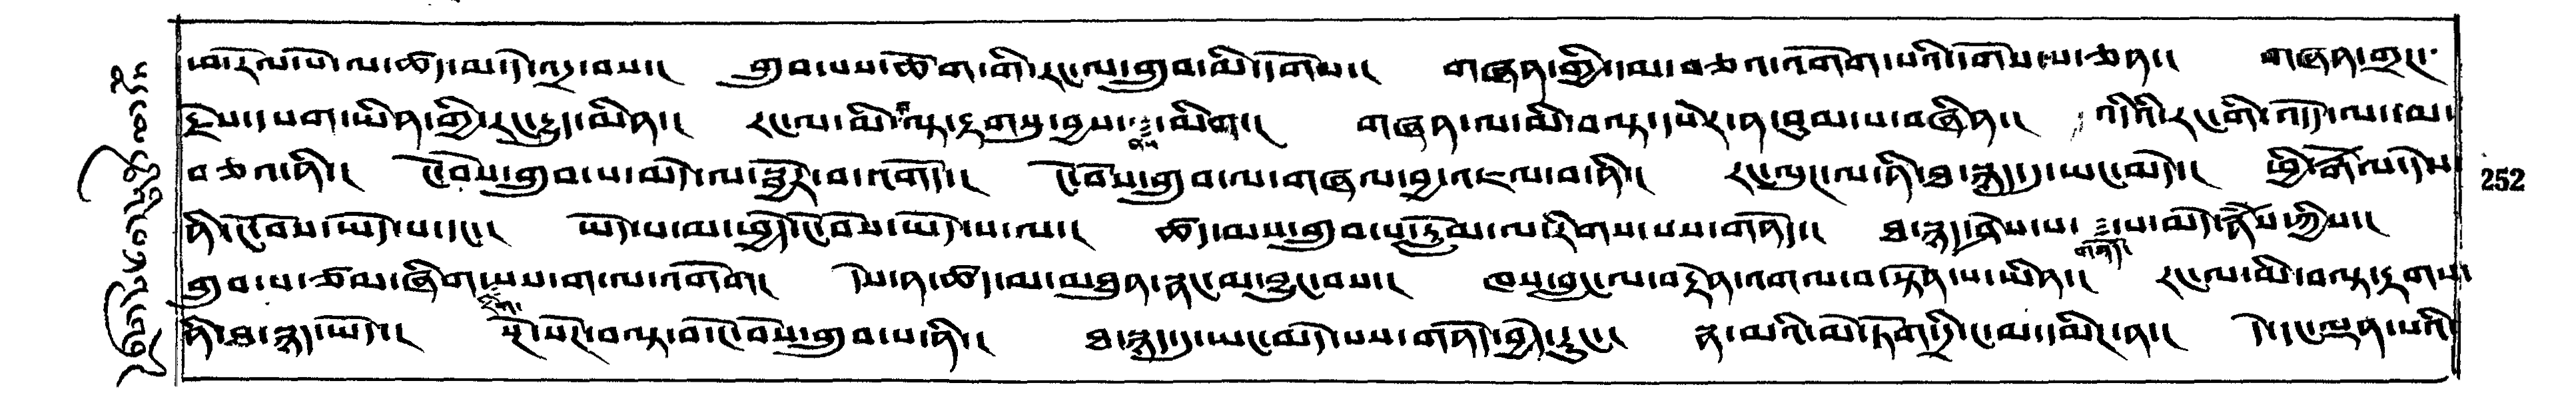ཕ་རོལ་པོ་ལ་ཚད་མ་དེ་འདྲ་བས། །གྲུབ་པས་ཆོག་གི་རང་ལ་གྲུབ་མི་དགོས། །གཞན་གྱི་དམ་བཅའ་འགོག་པའི་དགོས་པ་ཅན། །གཞན་གྲགས་
རྗེས་དཔག་ཡིན་གྱི་རང་རྒྱུད་མིན། །རང་ལ་མི་བལྟ་རྟགས་སུ་བྱས་ནས་མིག །གཞན་ལ་མི་བལྟ་དཔེར་ན་བུམ་པ་བཞིན། །འདི་ནི་རང་གི་འདོད་ལ་དམ་
བཅའ་ནི། །ངོ་བོས་གྲུབ་པ་མེད་ལ་སྦྱོར་བ་འགོད། །ངོ་བོས་གྲུབ་ལ་གཞལ་བྱ་འཇལ་བ་ནི། །རང་ལུགས་ལ་ནི་ཐ་སྙད་དུ་ཡང་མེད། །ཕྱི་རྒོལ་དེས་
ནི་ངོ་བོས་ཡོད་པ་དང་། །ཡོད་པ་མ་ཕྱེད་ངོ་བོས་ཡོད་པ་ལ། །ཚད་མས་གྲུབ་པར་རློམ་ལ་རིགས་པས་གནོད། །ཐ་སྙད་ཤེས་པ་གནོད་པ་མེད་རྣམས་ཀྱིས། །
གྲུབ་པ་ཙམ་ཞིག་རིགས་པས་ག་ལ་འགོག །དེས་ན་ཚད་མ་མཐུན་སྣང་མ་བྱུང་བས། །ཁས་བླངས་ལ་བརྟེན་འགལ་བ་སྟོན་པ་ཡིན། །རང་ལ་མི་བལྟ་རྟགས་
ནི་ཐ་སྙད་ཡོད། །སྔོ་སོགས་བལྟ་བ་ངོ་བོས་གྲུབ་པ་ནི། །ཐ་སྙད་དུ་ཡང་མེད་པས་གནོད་བྱེད་རུང་། །སྣ་མའི་མེ་ཏོག་དྲི་ང་མ་དམིགས་ན། །དེ་དང་ལྡན་པའི་